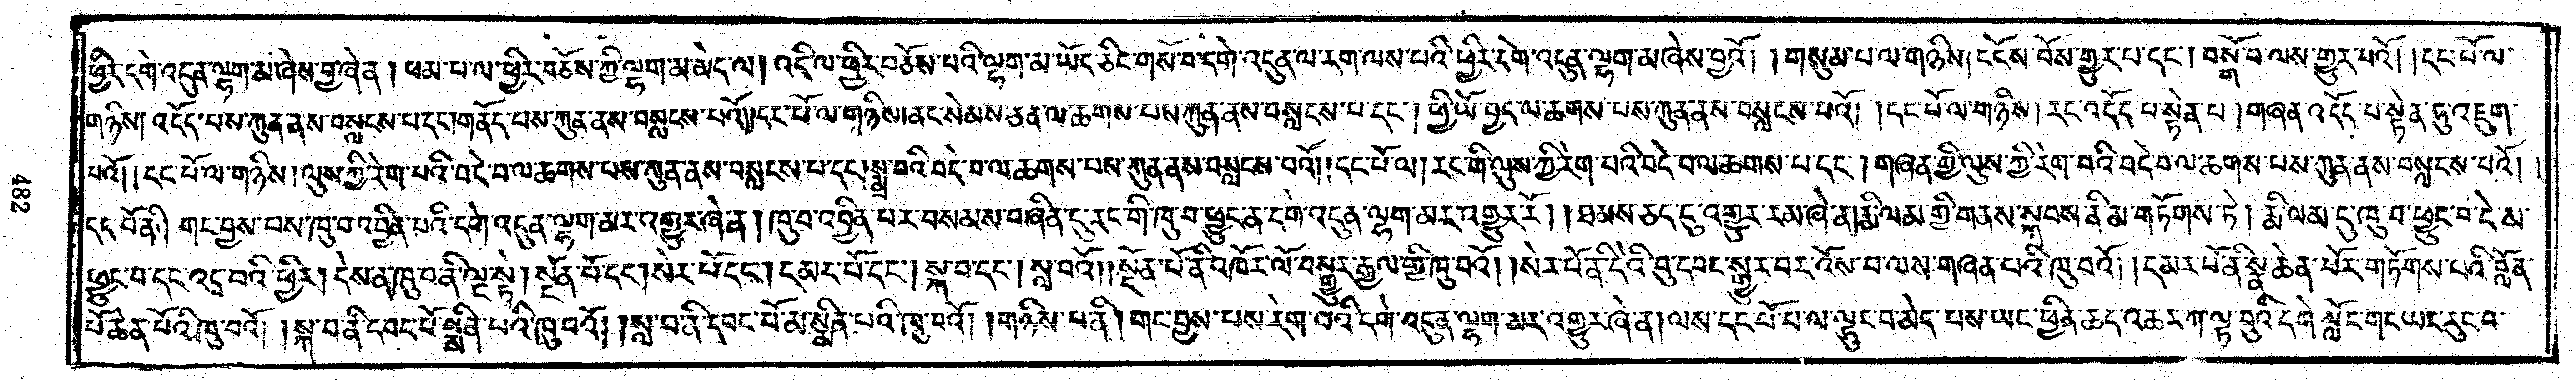ཕྱིར་དགེ་འདུན་ལྷག་མ་ཞེས་བྱ་ཞེ་ན། ཕམ་པ་ལ་ཕྱིར་བཅོས་ཀྱི་ལྷག་མ་མེད་ལ། འདི་ལ་ཕྱིར་བཅོས་པའི་ལྷག་མ་ཡོད་ཅིང་གསོ་བ་དགེ་འདུན་ལ་རག་ལས་པའི་ཕྱིར་དགེ་འདུན་ལྷག་མ་ཞེས་བྱའོ། །གསུམ་པ་ལ་གཉིས། དངོས་བོས་གྱུར་བ་དང་། བསྒོ་བ་ལས་གྱུར་པའོ། །དང་པོ་ལ་
གཉིས། འདོད་པས་ཀུན་ནས་བསླངས་པ་དང་། གནོད་པས་ཀུན་ནས་བསླངས་པའོ། །དང་པོ་ལ་གཉིས། ནང་སེམས་ཅན་ལ་ཆགས་པས་ཀུན་ནས་བསླངས་པ་དང་། ཕྱི་ཡོ་བྱང་ལ་ཆགས་པས་ཀུན་ནས་བསླངས་པའོ། །དང་པོ་གཉིས། རང་འདོད་བསྟེན་པ། གཞན་འདོད་པ་སྟེན་ཏུ་འཇུག་
པའོ། །དང་པོ་ལ་གཉིས། ལུས་ཀྱི་རེག་པའི་བདེ་བ་ལ་ཆགས་པས་ཀུན་ནས་བསླངས་པ་དང་། སྨྲ་བའི་བདེ་བ་ལ་ཆགས་པས་ཀུན་ནས་བསླངས་པའོ། །དང་པོ་ལ། རང་གི་ལུས་ཀྱི་རེག་པའི་བདེ་བལ་ཆགས་པ་དང་། གཞན་གྱི་ལུས་ཀྱི་རེག་པའི་བདེ་བལ་ཆགས་པས་ཀུན་ནས་བསླངས་པའོ། །
དང་བོ་ནི། གང་བྱས་བས་ཁུ་བ་འབྱིན་པའི་དགེ་འདུན་ལྷག་མར་འགྱུར་ཞེ་ན། ཁུ་བ་འབྱིན་པར་བསམས་བཞིན་དུ་རང་གི་ཁུ་བ་ཕྱུང་ན་དགེ་འདུན་ལྷག་མར་འགྱུར་རོ། །ཐམས་ཅད་དུ་འགྱུར་རམ་ཞེ་ན། རྨི་ལམ་གྱི་གནས་སྐབས་ནི་མ་གཏོགས་ཏེ། རྨི་ལམ་དུ་ཁུ་བ་ཕྱུང་བ་དེ་མ་
ཕྱུང་བ་དང་འདྲ་བའི་ཕྱིར། དེས་ན་ཁུ་བ་ནི་ལྔ་སྟེ། སྔོན་བོ་དང་། སེར་པོ་དང་། དམར་པོ་དང་། སྐ་བ་དང་། སླ་བའོ། །སྔོན་པོ་ནི་འཁོར་ལོ་བསྒྱུར་རྒྱལ་གྱི་ཁུ་བའོ། །སེར་པོ་ནི་དེའི་བུ་དབང་སྒྱུར་བར་འོས་པ་ལས་གཞན་པའི་ཁུ་བའོ། །དམར་པོ་ནི་སྣ་ཆེན་པོར་གཏོགས་པའི་བློན་
པོ་ཆེན་པོའི་ཁུ་བའོ། །སྐ་བ་ནི་དབང་པོ་སྨིན་པའི་ཁུ་བའོ། །སླ་བ་ནི་དབང་པོ་མ་སྨིན་པའི་ཁུ་བའོ། །གཉིས་པ་ནི། གང་བྱས་པས་རེག་པའི་དགེ་འདུན་ལྷག་མར་འགྱུར་ཞེ་ན། ལས་དང་པོ་པ་ལ་ལྟུང་བ་མེད་པས་ཡང་ཕྱིན་ཆད་འཆར་ཀ་ལྟ་བུའི་དགེ་སློང་གང་ཡང་རུང་བ་